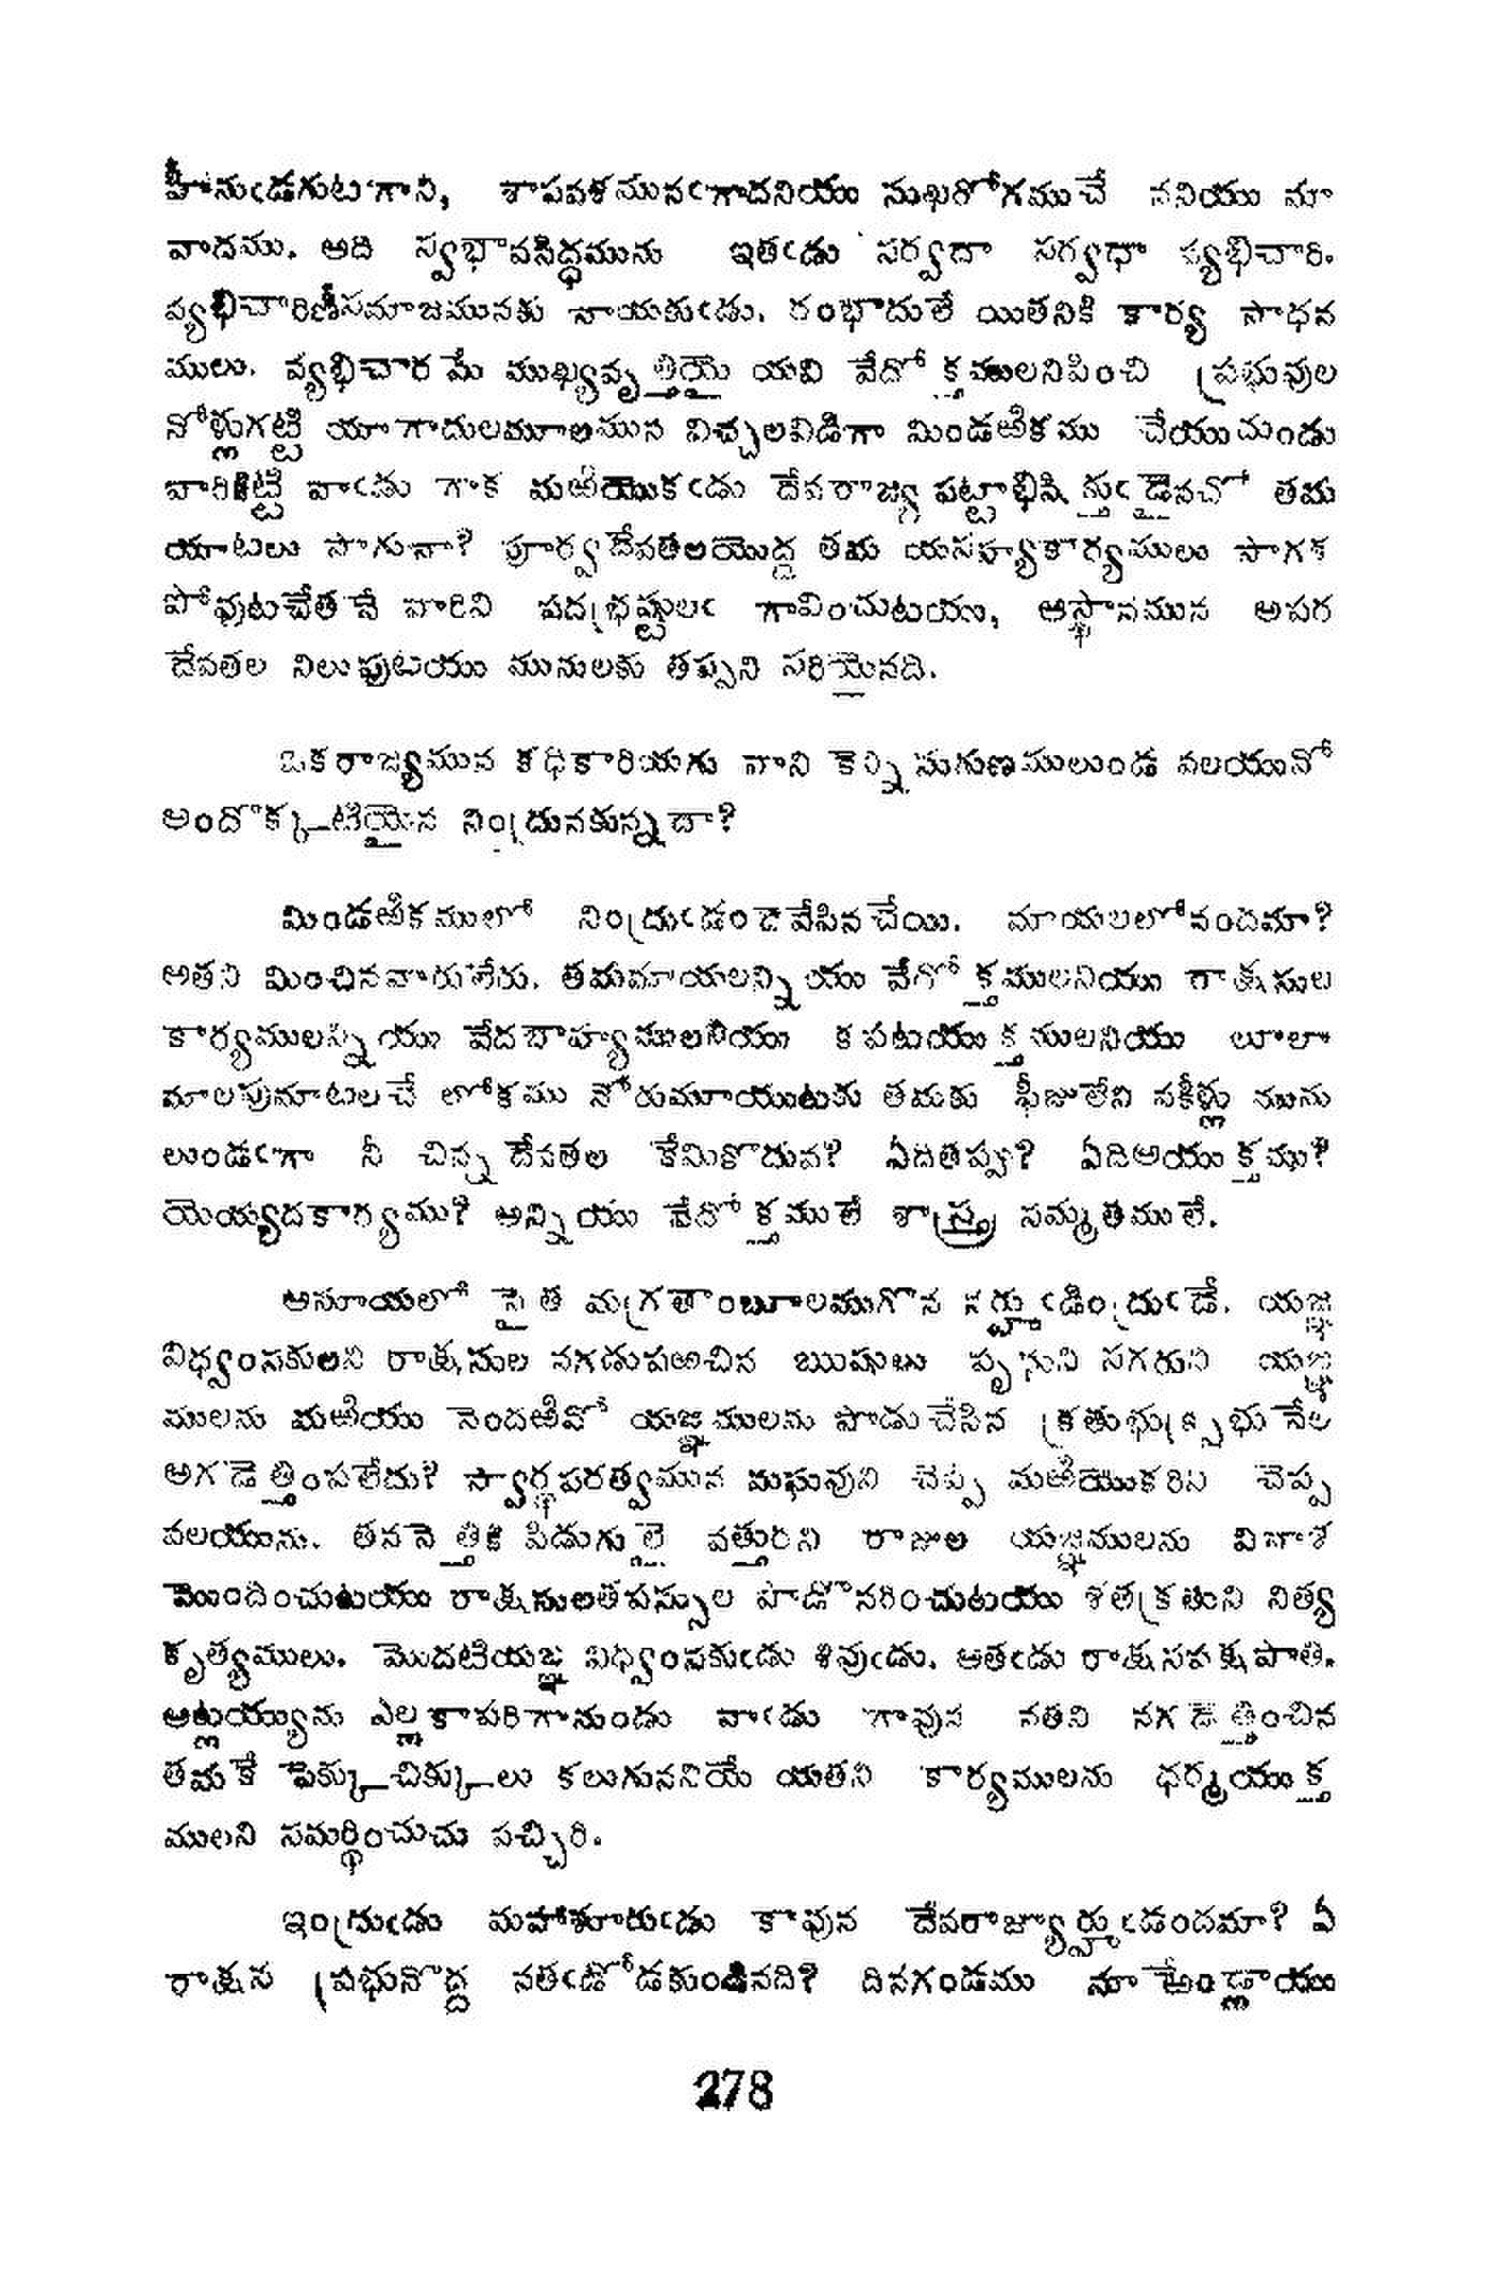హీనుడగుటగాని, శాపవశమున గాదనియు సుఖరోగముచే ననియు మావాదము. అది స్వభావసిద్ధమును ఇతడు సర్వదా సర్వధా వ్యభిచారి, వ్యభిచారిణీసమాజమునకు నాయకుడు. రంభాదులే యితనికి కార్య సాధములు. వ్యభిచారమే ముఖ్యవృత్తియై యవి వేదోక్తములనిపించి ప్రభువుల నోళ్లుగట్టి యాగాదులమూలమున విచ్చలవిడిగా మిండఱికము చేయుచుండు వారికిట్టి వాడు గాక మఱియొకడు దేవరాజ్య పట్టాభిషిక్తుడైనచో తమయాటలు సాగునా? పూర్వదేవతలయొద్ద తమ యసహ్యకార్యములు సాగక పోవుటచేతనే వారిని పదభ్రష్టుల గావించుటయు, ఆస్థానమున అపరదేవతల నిలుపుటయు మునులకు తప్పని సరియైనది.

ఒకరాజ్యమున కధికారియగు వాని కెన్ని సుగుణములుండ వలయునో అందొక్కటియైన నింద్రునకున్నదా?

మిండఱికములో నింద్రుడందెవేపినచేయి. మాయలలోనదమా? అతని మించినవారులేరు. తమమాయలన్నియు వేరోక్తములనియు రాక్షసుల కార్యములన్నియు వేదబాహ్యములనియు కపటయుక్తములనియు లూలా మాలపుమాటలచే లోకము నోరుమూయుటకు తమకు ఫీజులేని వకీళ్లు మునులుండగా నీ చిన్న దేవతల కేమికొదువ? ఏదితప్పు? ఏదిఅయుక్తము? యెయ్యదకార్యము? అన్నియు వేదోక్తములే శాస్త్ర సమ్మతములే.

అసూయలో సైత మగ్రతాంబూలముగొన నర్హుడింద్రుడే. యజ్ఞ విధ్వంసకులని రాక్షసుల నగడుపఱచిన ఋషులు పృధుని సగరుని యజ్ఞములను మఱియు నెందఱివో యజ్ఞాములను పాడుచేసిన క్రతుభుక్ర్పభునేల అగడెత్తింపలేదు? స్వార్థపరత్వమున మఘవుని చెప్పి మఱియొకరిని చెప్పవలయును. తననెత్తికి పిడుగులై వత్తురని రాజుల యజ్ఞములను వినాశ మొందించుటయు రాక్షసులతపస్సుల పాడొనరించుటయు శతక్రతుని నిత్యకృత్యములు. మొదటియజ్ఞ విధ్వంసకుడు శివుడు. అతడు రాక్షసపక్షపాతి. అట్లయ్యును ఎల్లకాపరిగానుండు వాడు గావున నతని నగడెత్తించిన తమకే పెక్కుచిక్కులు కలుగుననియే యతని కార్యములను ధర్మయుక్తములని సమర్థించుచు వచ్చిరి.

ఇంద్రుడు మహాశూరుడు కావున దేవరాజ్యార్హుడందమా? ఏరాక్షస ప్రభునొద్ద నతడోడకుండినది? దినగండము నూఱేండ్లాయు